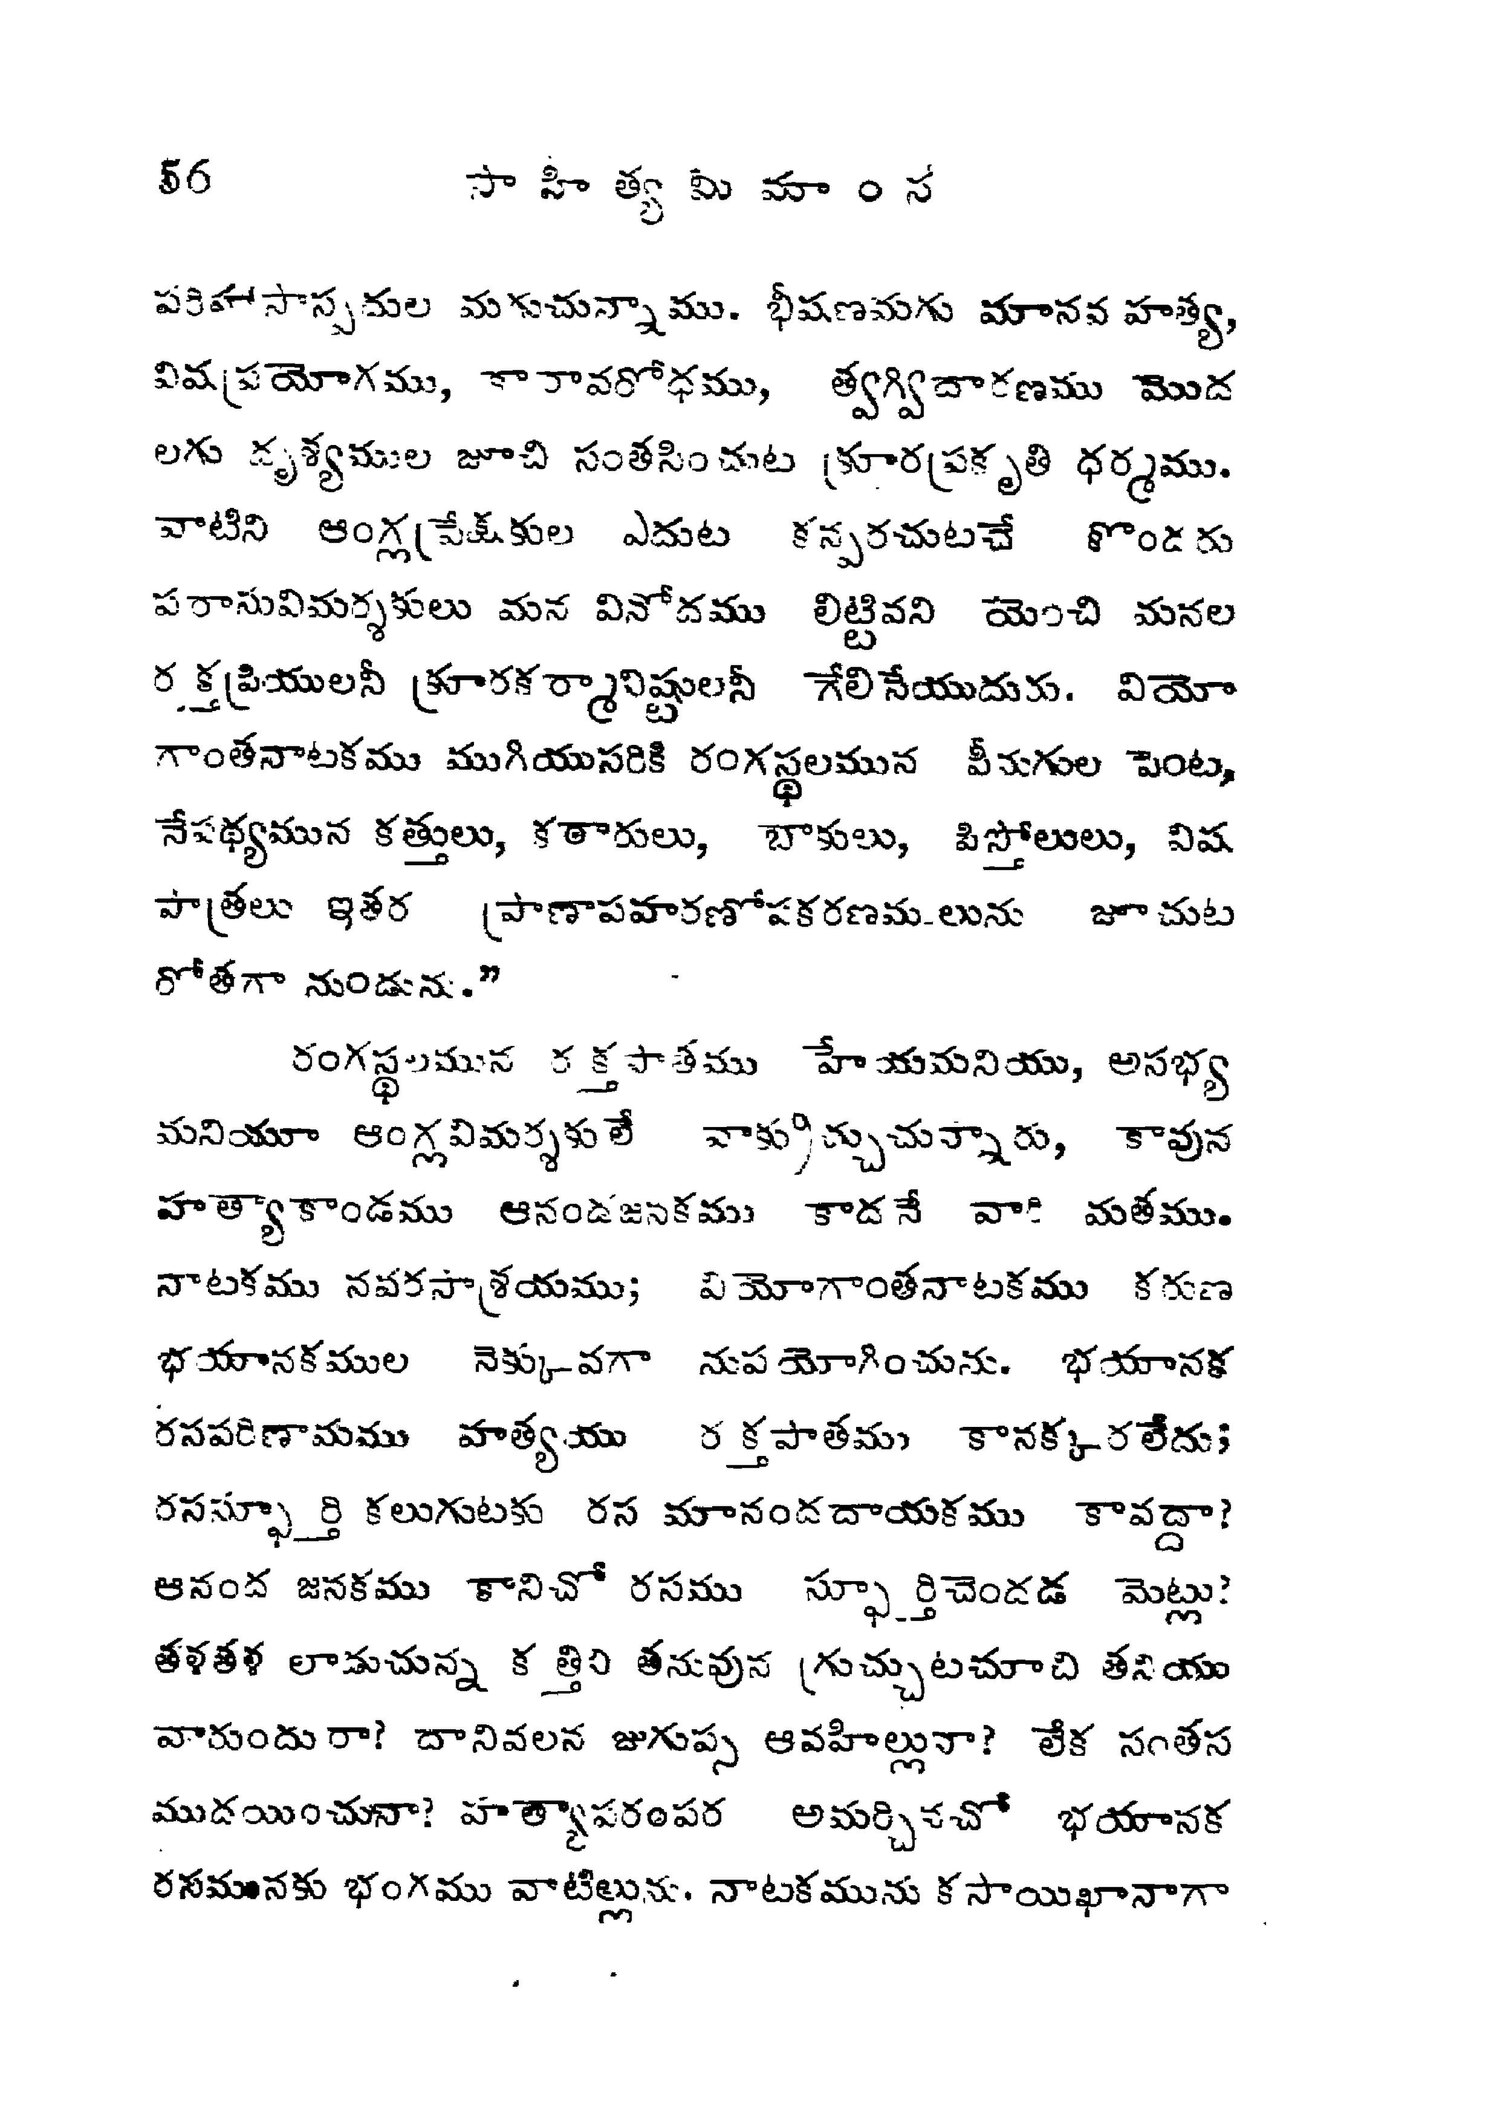పరిహాసాస్పదుల మగుచున్నాము. భీషణమగు మానవ హత్య, విషప్రయోగము, కారావరోధము, త్వగ్విదారణము మొదలగు దృశ్యముల జూచి సంతసించుట క్రూరప్రకృతి ధర్మము. వాటిని ఆంగ్లప్రేక్షకుల ఎదుట కన్పరచుటచే కొందరు పరాసువిమర్శకులు మన వినోదము లిట్టివని యెంచి మనల రక్తప్రియులనీ క్రూరకర్మానిష్టులనీ గేలిసేయుదురు. వియోగాంతనాటకము ముగియుసరికి రంగస్థలమున పీనుగుల పెంట, నేపథ్యమున కత్తులు, కఠారులు, బాకులు, పిస్తోలులు, విష పాత్రలు ఇతర ప్రాణాపహరణోపకరణములును జూచుట రోతగా నుండును."

రంగస్థలమున రక్తపాతము హేయమనియు, అసభ్యమనియూ ఆంగ్లవిమర్శకులే వాక్రుచ్చుచున్నారు, కావున హత్యాకాండము ఆనందజనకము కాదనే వారి మతము. నాటకము నవరసాశ్రయము; వియోగాంతనాటకము కరుణ భయానకముల నెక్కువగా నుపయోగించును. భయానక రసపరిణామము హత్యయు రక్తపాతము కానక్కరలేదు; రసస్ఫూర్తి కలుగుటకు రస మానందదాయకము కావద్దా? ఆనంద జనకము కానిచో రసము స్ఫూర్తిచెందడ మెట్లు? తళతళ లాడుచున్న కత్తిని తనువున గ్రుచ్చుటచూచి తనియు వారుందురా? దానివలన జుగుప్స ఆవహిల్లునా? లేక సంతస ముదయించునా? హత్యాపరంపర అమర్చినచో భయానక రసమునకు భంగము వాటిల్లును. నాటకమును కసాయిఖానాగా